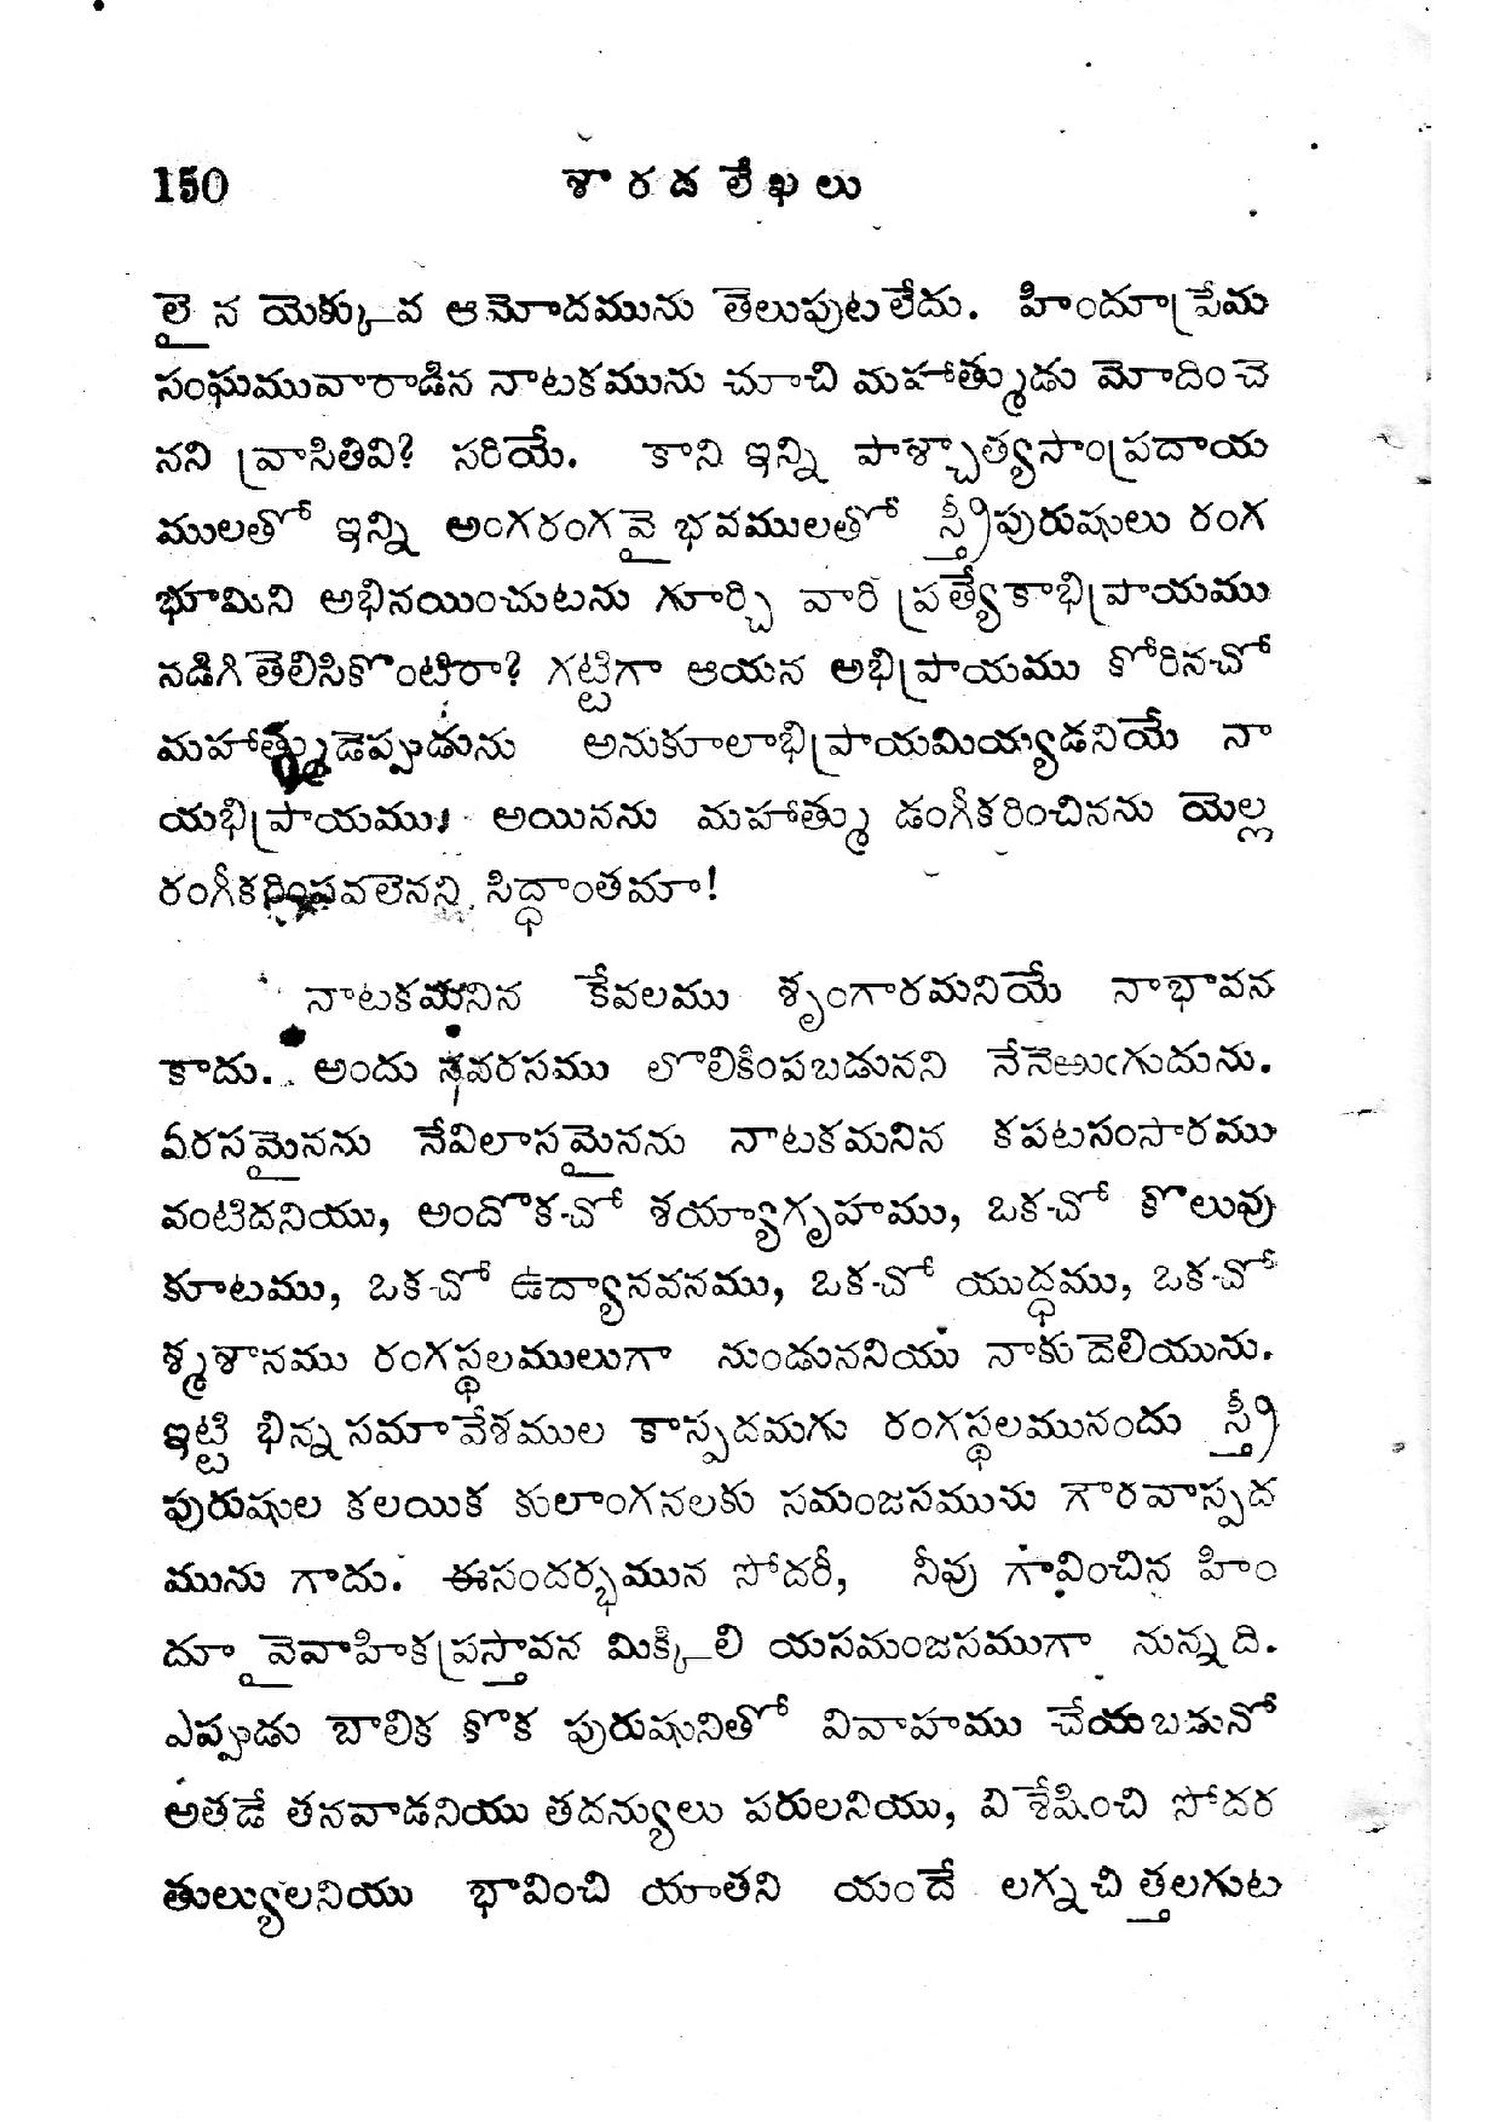లైన యెక్కువ ఆమోదమును తెలుపుటలేదు. హిందూప్రేమ సంఘమువారాడిన నాటకమును చూచి మహాత్ముడు మోదించెనని వ్రాసితివి? సరియే. కాని ఇన్ని పాశ్చాత్యసాంప్రదాయములతో ఇన్ని అంగరంగవైభవములతో స్త్రీపురుషులు రంగభూమిని అభినయించుటను గూర్చి వారి ప్రత్యేకాభిప్రాయము
నడిగితెలిసికొంటిరా? గట్టిగా ఆయన అభిప్రాయము కోరినచో మహాత్ముడెప్పుడును అనుకూలాభిప్రాయ మియ్యడనియే నా యభిప్రాయము. అయినను మహాత్ము డంగీకరించినను యెల్లరంగీకరింపవలెనని సిద్ధాంతమా!

నాటకమనిన కేవలము శృంగారమనియే నా భావనకాదు. అందు నవరసము లొలికింపబడునని నేనెఱుఁగుదును. ఏరసమైనను నేవిలాసమైనను నాటకమనిన కపటసంసారము వంటిదనియు, అందొకచో శయ్యాగృహము, ఒకచో కొలువుకూటము, ఒకచో ఉద్యానవనము, ఒకచో యుద్ధము, ఒకచో శ్మశానము రంగస్థలములుగా నుండుననియు నాకు దెలియును. ఇట్టి భిన్నసమావేశముల కాస్పదమగు రంగస్థలమునందు స్త్రీపురుషుల కలయిక కులాంగనలకు సమంజసమును గౌరవాస్పదమును గాదు. ఈసందర్భమున సోదరీ, నీవు గావించిన హిందూవైవాహికప్రస్తావన మిక్కిలి యసమంజసముగా నున్నది.
ఎప్పుడు బాలిక కొక పురుషునితో వివాహము చేయబడునో అతడే తనవాడనియు తదన్యులు పరులనియు, విశేషించి సోదరతుల్యులనియు భావించి యాతని యందే లగ్నచిత్తలగుట